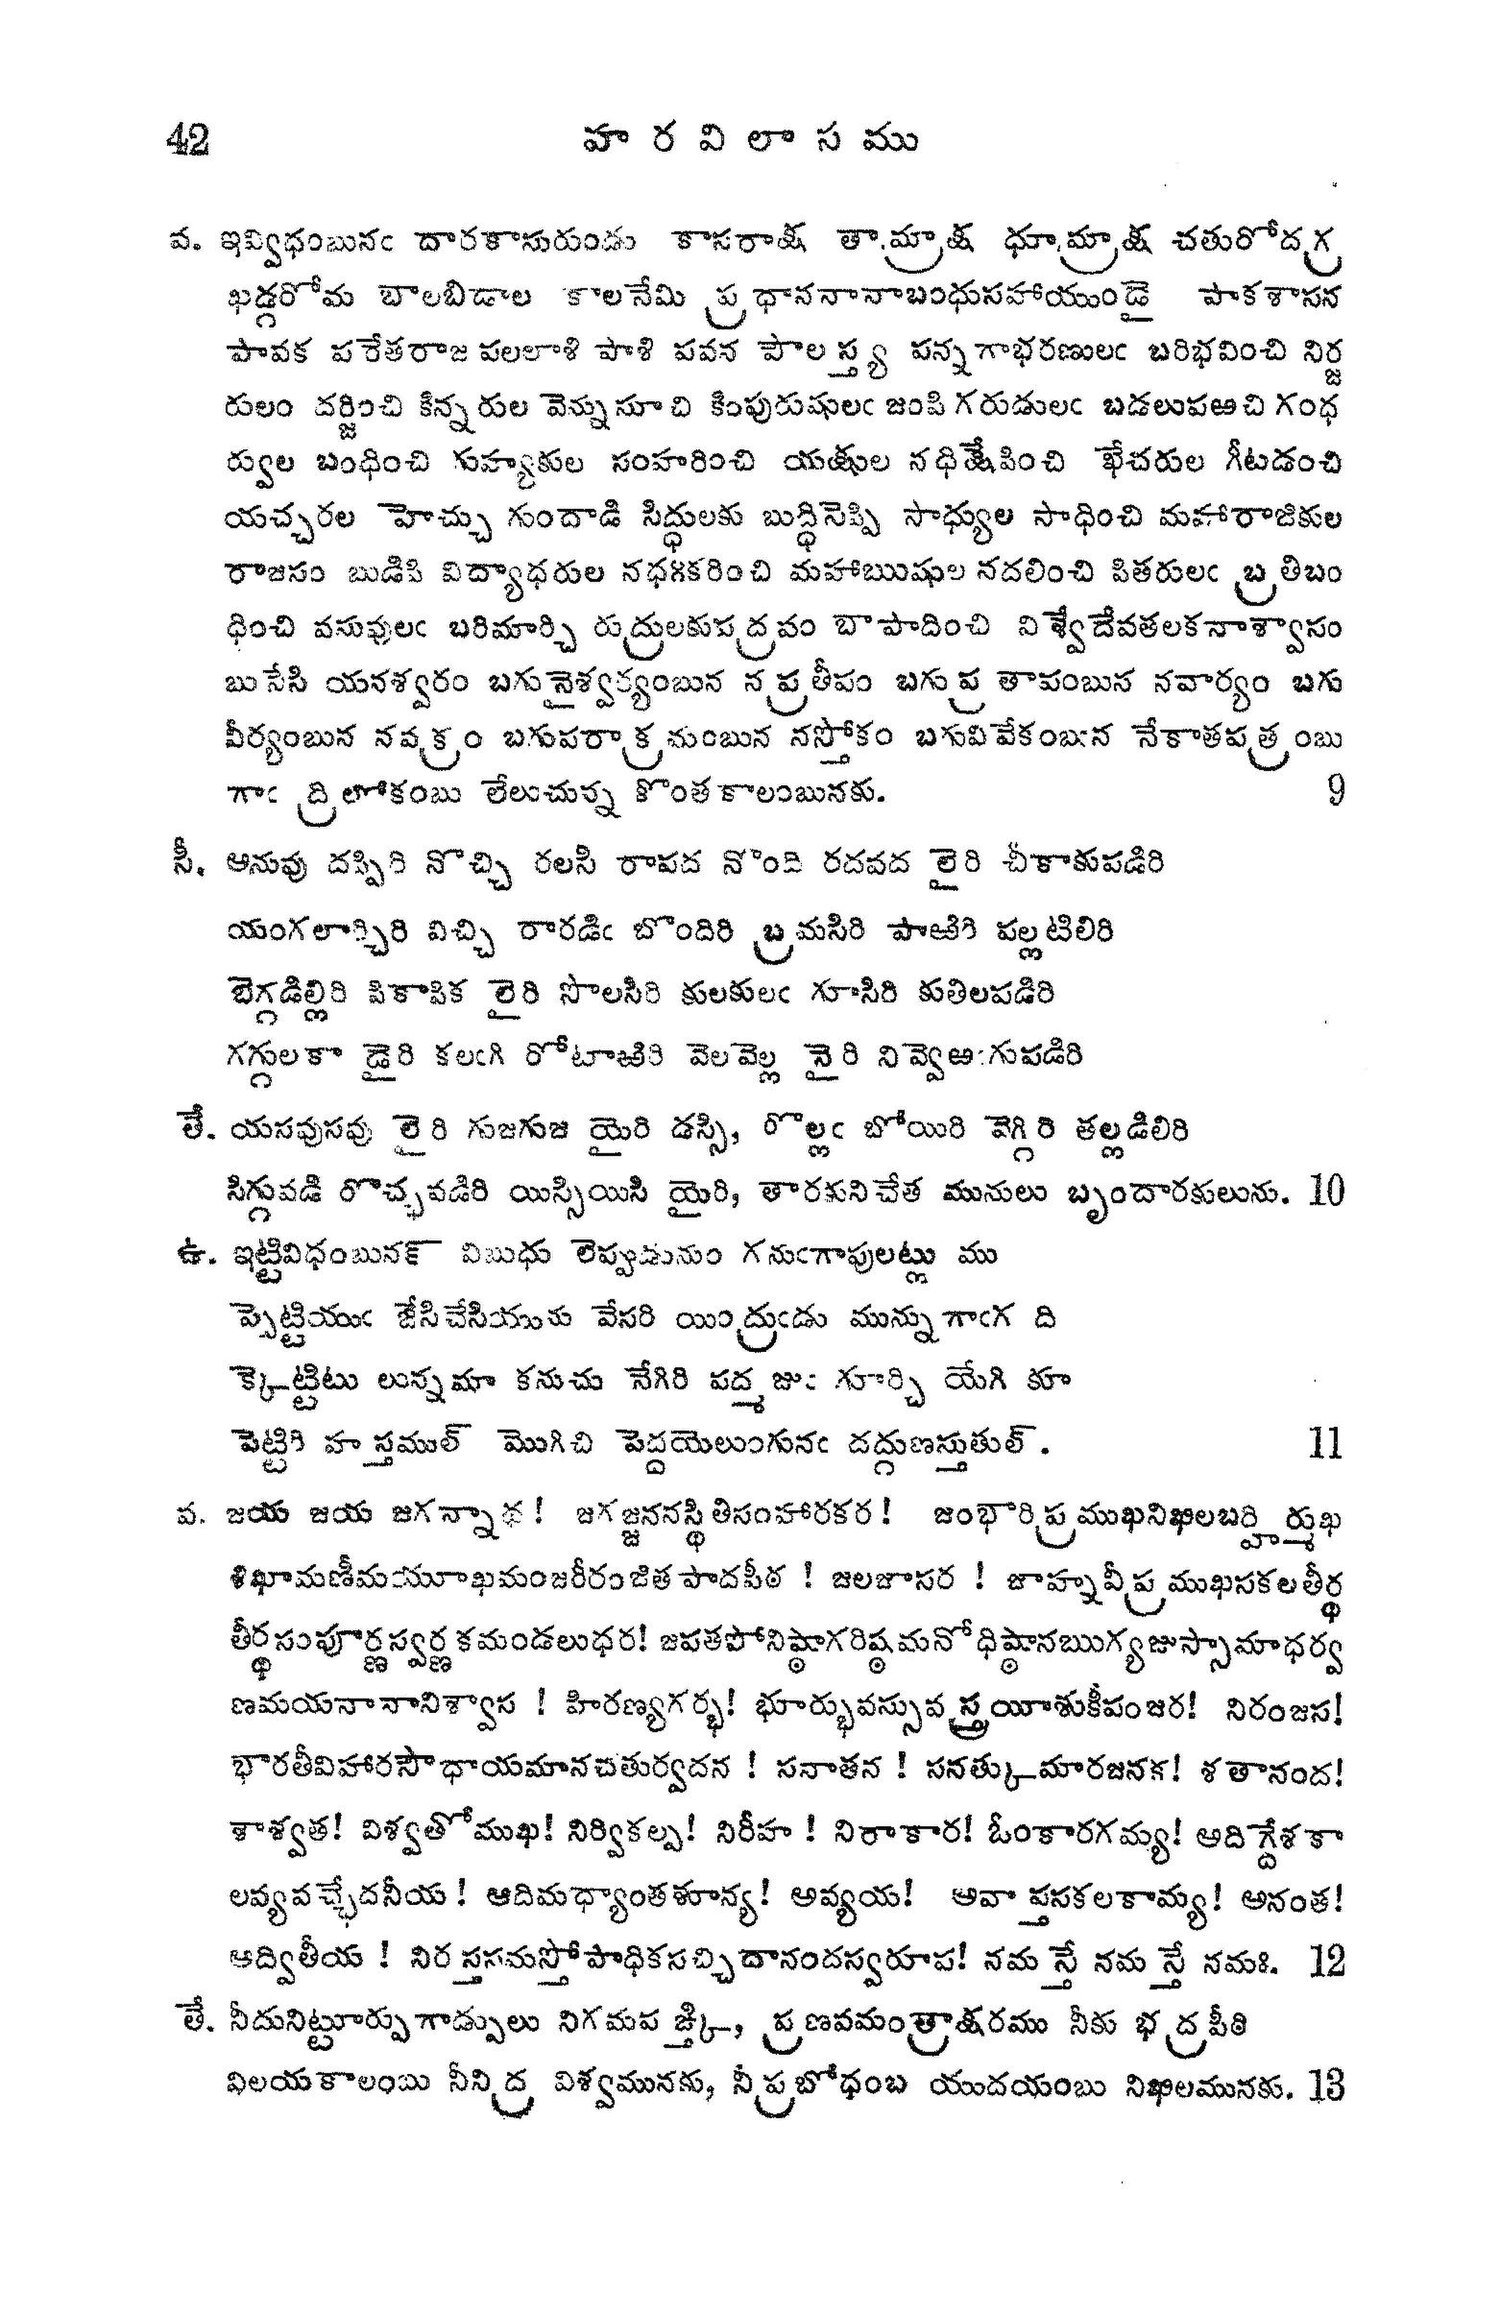వ. ఇవ్విధంబునఁ దారకాసురుండు కాసరాక్ష తామ్రాక్ష ధూమ్రాక్ష చతురోదగ్ర ఖడ్గరోమ బాలబిడాల కాలనేమి ప్రధాన నానాబంధుసహాయుండై పాకశాసన పావక పరేతరాజ పలలాశి పాశి పవన పౌలస్త్య పన్నగాభరణులఁ బరిభవించి నిర్జరులం దర్జించి కిన్నరుల వెన్నుసూచి కింపురుషులఁ జంపి గరుడులఁ బడలుపఱచి గంధర్వుల బంధించి గుహ్యకుల సంహరించి యక్షుల నధిక్షేపించి ఖేచరుల గీటడంచి యచ్చరల హెచ్చు గుందాడి సిద్ధులకు బుద్ధి చెప్పి సాధ్యుల సాధించి మహారాజికుల రాజసం బుడిపి విద్యాధరుల నధగికరించి మహాఋషుల నదలించి పితరులఁ బ్రతిబంధించి వసువులఁ బరిమార్చి రుద్రుల కుపద్రవం బాపాదించి విశ్వేదేవతల కనాశ్వాసంబు సేసి యనశ్వరం బగునైశ్వర్యంబున నప్రతీపం బగుప్రతాపంబున నవార్యం బగువీర్యంబున నవక్రం బగుపరాక్రమంబున నస్తోకం బగువివేకంబున నేకాతపత్రంబుగాఁ ద్రిలోకంబు లేలుచున్న కొంతకాలంబునకు. 9

సీ, అనువు దప్పిరి నొచ్చి రలసి రాపద నొంది రదవద లైరి చీకాకుపడిరి
యంగలార్చిరి విచ్చి రారడిఁ బొందిరి బ్రమసిరి పాఱిరి పల్లటిలిరి
బెగ్గడిల్లిరి పికాపిక లైరి సొలసిరి కులకులఁ గూసిరి కుతిలపడిరి
గగ్గులకా డైరి కలఁగి రోటాఱిరి వెలవెల్ల నైరి నివ్వెఱఁగుపడిరి
లే. యసవుసవు లైరి గుజగుజ యైరి డస్సి, రొల్లఁబోయిరి వెగ్గిరి తల్లడిలిరి
సిగ్గుపడి రొచ్ఛవడిరి యిస్సియిసి యైరి, తారకునిచేత మునులు బృందారకులును. 10

ఉ. ఇట్టి విధంబునన్ విబుధు లెప్పుడునుం గనుఁగాపులట్లు ము
ప్పెట్టియుఁ జేసిచేసియును వేసరి యింద్రుఁడు మున్నుగాఁగ ది
క్కెట్టిటు లున్న మా కనుచు నేగిరి పద్మజుఁ గూర్చి యేగి కూ
పెట్టిరి హస్తముల్ మొగిచి పెద్దయెలుంగునఁ దద్గుణస్తుతుల్. 11

వ. జయ జయ జగన్నాథ! జగజ్జననస్థితిసంహారకర! జంభారిప్రముఖనిఖిలబర్హిర్ముఖశిఖామణీమయూఖమంజరీరంజితపాదపీఠ! జలజాసర! జాహ్నవీప్రముఖసకలతీర్థతీర్థసంపూర్ణస్వర్ణకమండలుధర! జపతపోనిష్ఠాగరిష్ఠమనోధిష్ఠానఋగ్యజుస్సామాధర్వణమయనానానిశ్వాస! హిరణ్యగర్భ! భూర్భువస్సువస్త్రయీశుకీపంజర! నిరంజన! భారతీవిహారసౌధాయమానచతుర్వదన! సనాతన! సనత్కుమారజనక! శతానంద! శాశ్వత! విశ్వతోముఖ! నిర్వికల్ప! నిరీహ! నిరాకార! ఓంకారగమ్య! అదిగ్దేశకాలవ్యవచ్ఛేదనీయ! ఆదిమధ్యాంతశూన్య! అవ్యయ! అవాప్తసకలకామ్య! అనంత! అద్వితీయ! నిరస్తసమస్తోపాధికసచ్చిదానందస్వరూప! నమస్తే నమస్తే నమః. 12

తే. నీదునిట్టూర్పుగాడ్పులు నిగమపఙ్క్తి, ప్రణవమంత్రాక్షరము నీకు భద్రపీఠి
విలయకాలంబు నీనిద్ర విశ్వమునకు, నీప్రబోధంబ యుదయంబు నిఖిలమునకు. 13